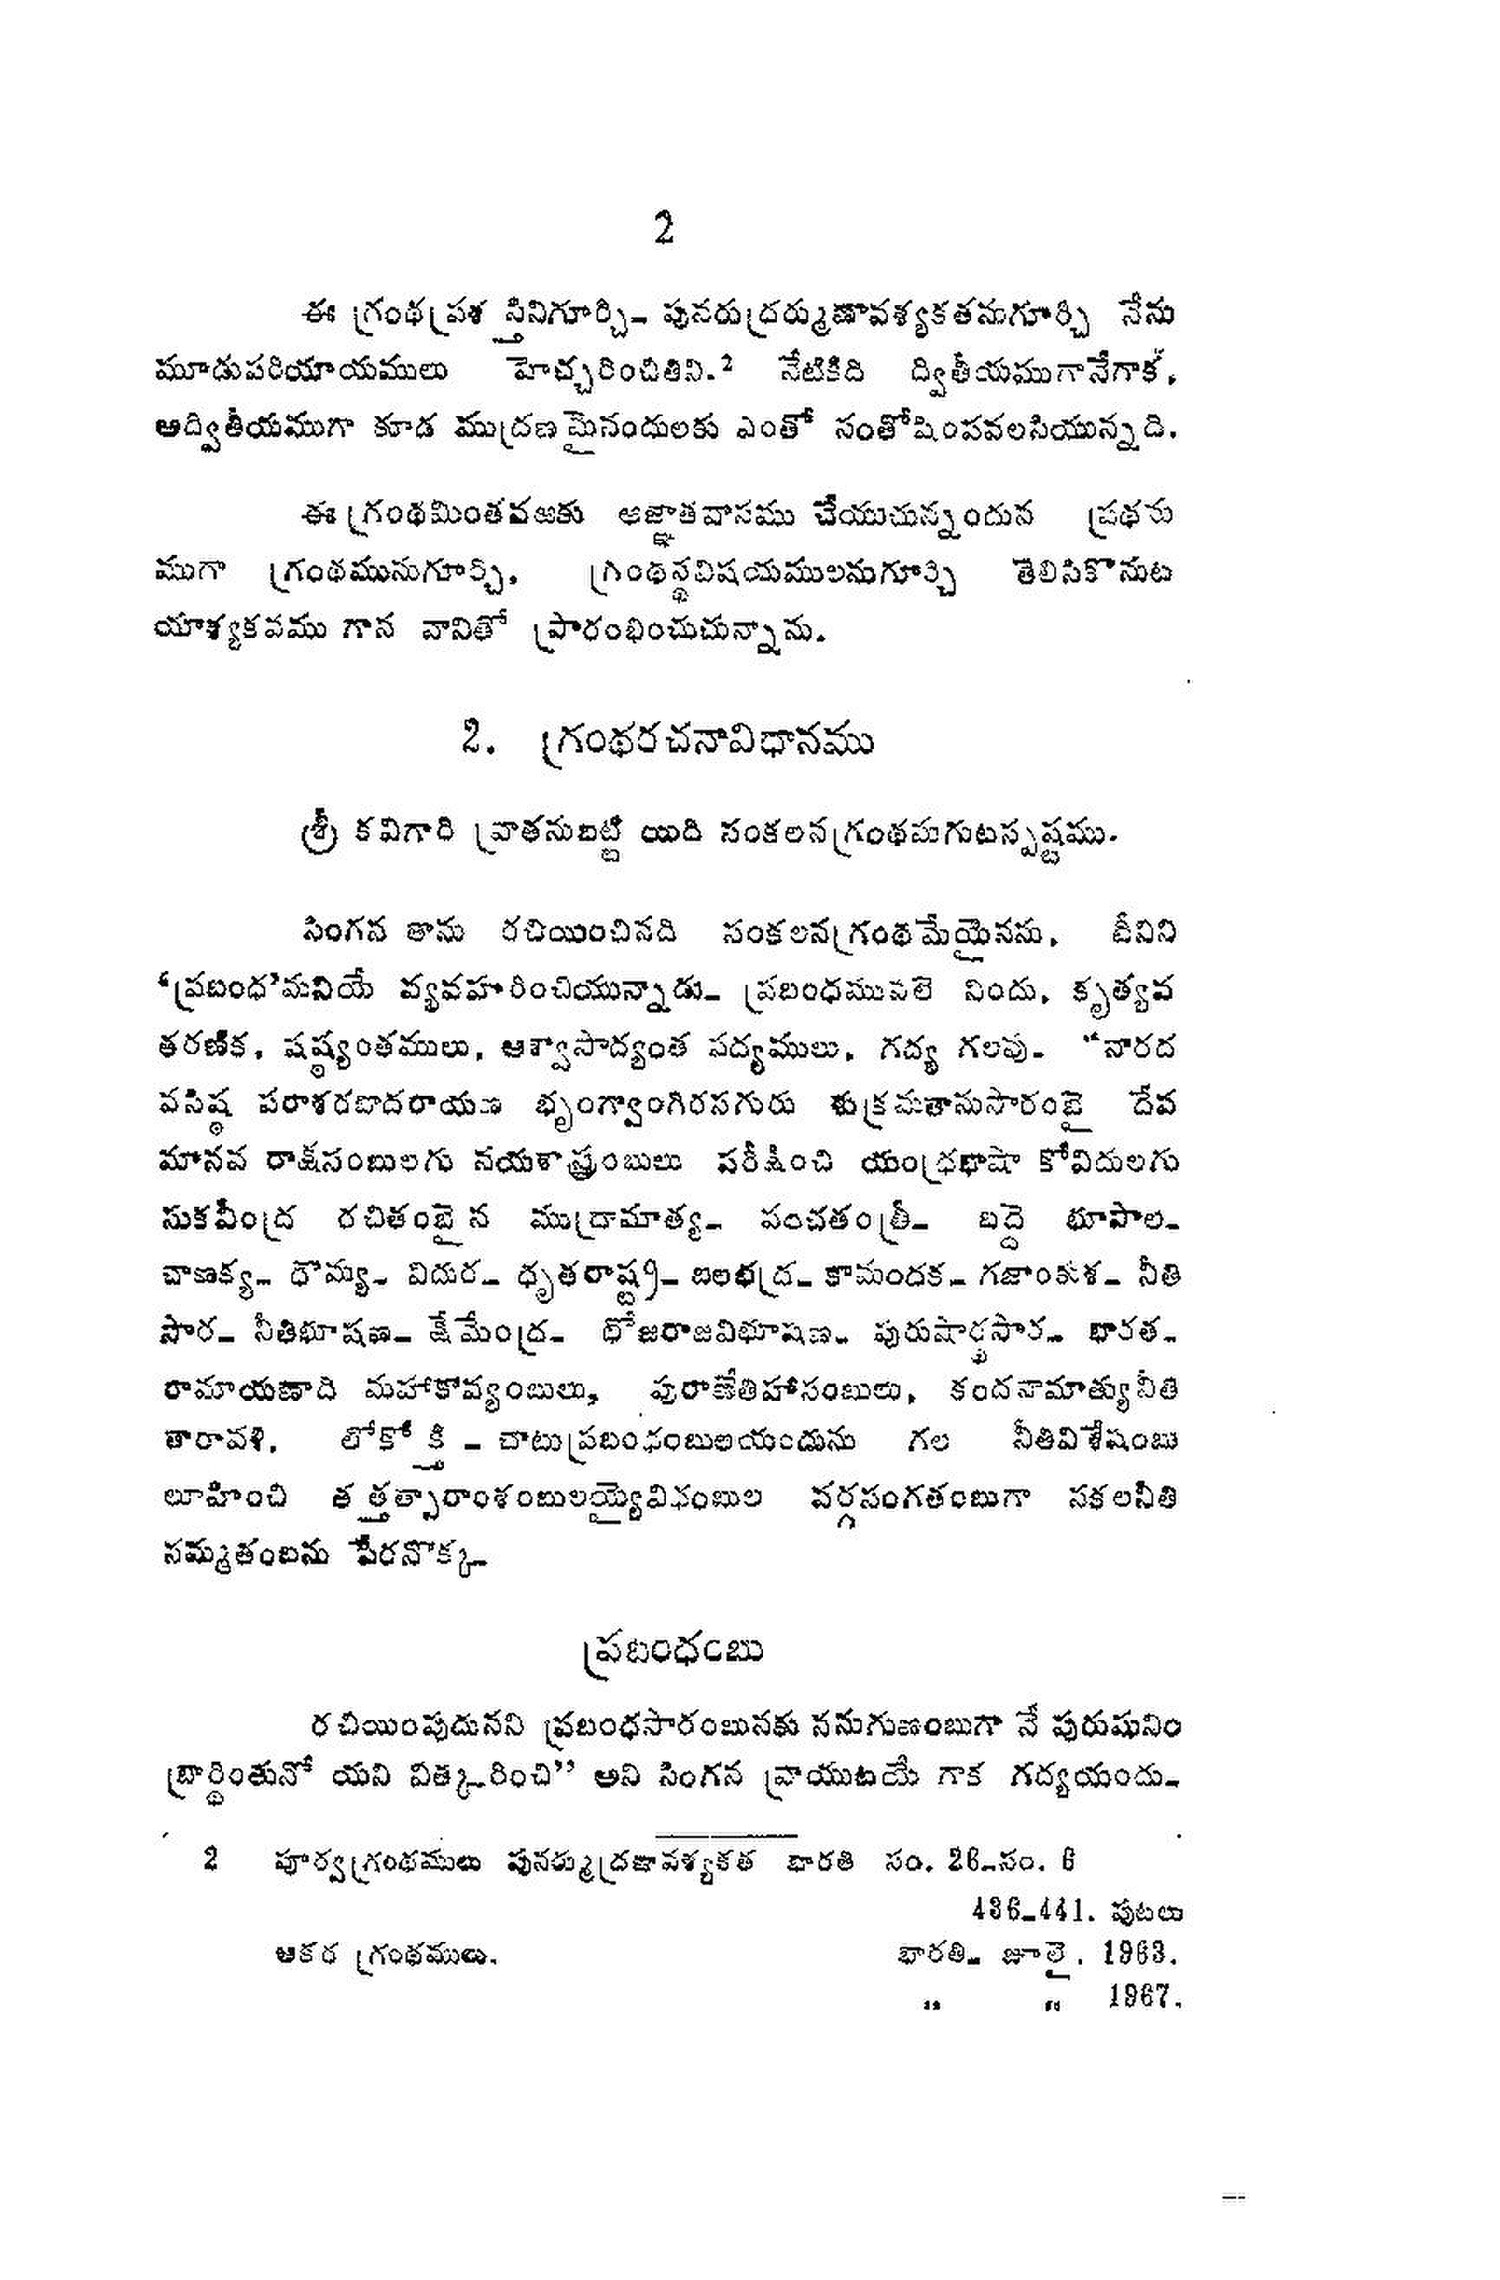ఈ గ్రంథప్రశస్తిని గూర్చి- పునర్ముద్రణావశ్యకతను గూర్చి నేను మూడుపరియాయములు హెచ్చరించితిని. నేటి కిది ద్వితీయముగానేగాక , అద్వితీయముగా కూడ ముద్రణమైనందులకు ఎంతో సంతోషింపవలసియున్నది.

ఈ గ్రంథమింతవఱకు అజ్ఞాతవాసము చేయుచున్నందున ప్రథమముగా గ్రంథమునుగూర్చి, గ్రంథస్థవిషయములనుగూర్చి తెలిసికొనుట యావశ్యకము గాన వానితో ప్రారంభించుచున్నాను.
2. గ్రంథరచనావిధానము
శ్రీ కవిగారివ్రాతను బట్టి యిది సంకలనగ్రంథ మగుట స్పష్టము.

సింగన తాను రచియించినది సంకలనగ్రంథమే యైనను, దీనిని “ప్రబంధ'మనియే వ్యవహరించియున్నాడు. ప్రబంధమువలె నిందు, కృత్యవతరణిక , షష్ఠ్యంతములు , ఆశ్వాసాద్యంతపద్యములు, గద్య గలవు. “నారద వసిష్ట పరాశరబాదరాయణ భృంగ్వాంగిరసగురు శుక్రమతానుసారంబై దేవ మానవ రాక్షసంబులగు నయశాస్త్రంబులు పరీక్షించి యంధ్రభాషాకోవిదులగు సుకవీంద్రరచితంబైన ముద్రామాత్య- పంచతంత్రీ- బద్దె భూపాల- చాణక్య- ధౌమ్య- విదుర- ధృతరాష్ట్ర- బలభద్ర- కామందక- గజాంకుశ- నీతిసార- నీతిభూషణ- క్షేమేంద్ర- భోజరాజవిభూషణ- పురుషార్థసార- భారత- రామాయణాది మహాకావ్యంబులు, పురాణేతిహాసంబులు, కందనామాత్యునీతితారావళి, లోకోక్తి - చాటుప్రబంధంబులయందును గల నీతివిశేషంబు లూహించి తత్తత్సారాంశంబు లయ్యైవిధంబుల వర్గసంగతంబుగా సకలనీతిసమ్మతం బనుపేర నొక్క
ప్రబంధంబు
రచియింపుదునని ప్రబంధసారంబునకు ననుగుణంబుగా నేపురుషునిం బ్రార్థింతునో యని విత్కరించి" అని సింగన వ్రాయుటయే గాక గద్యయందు-